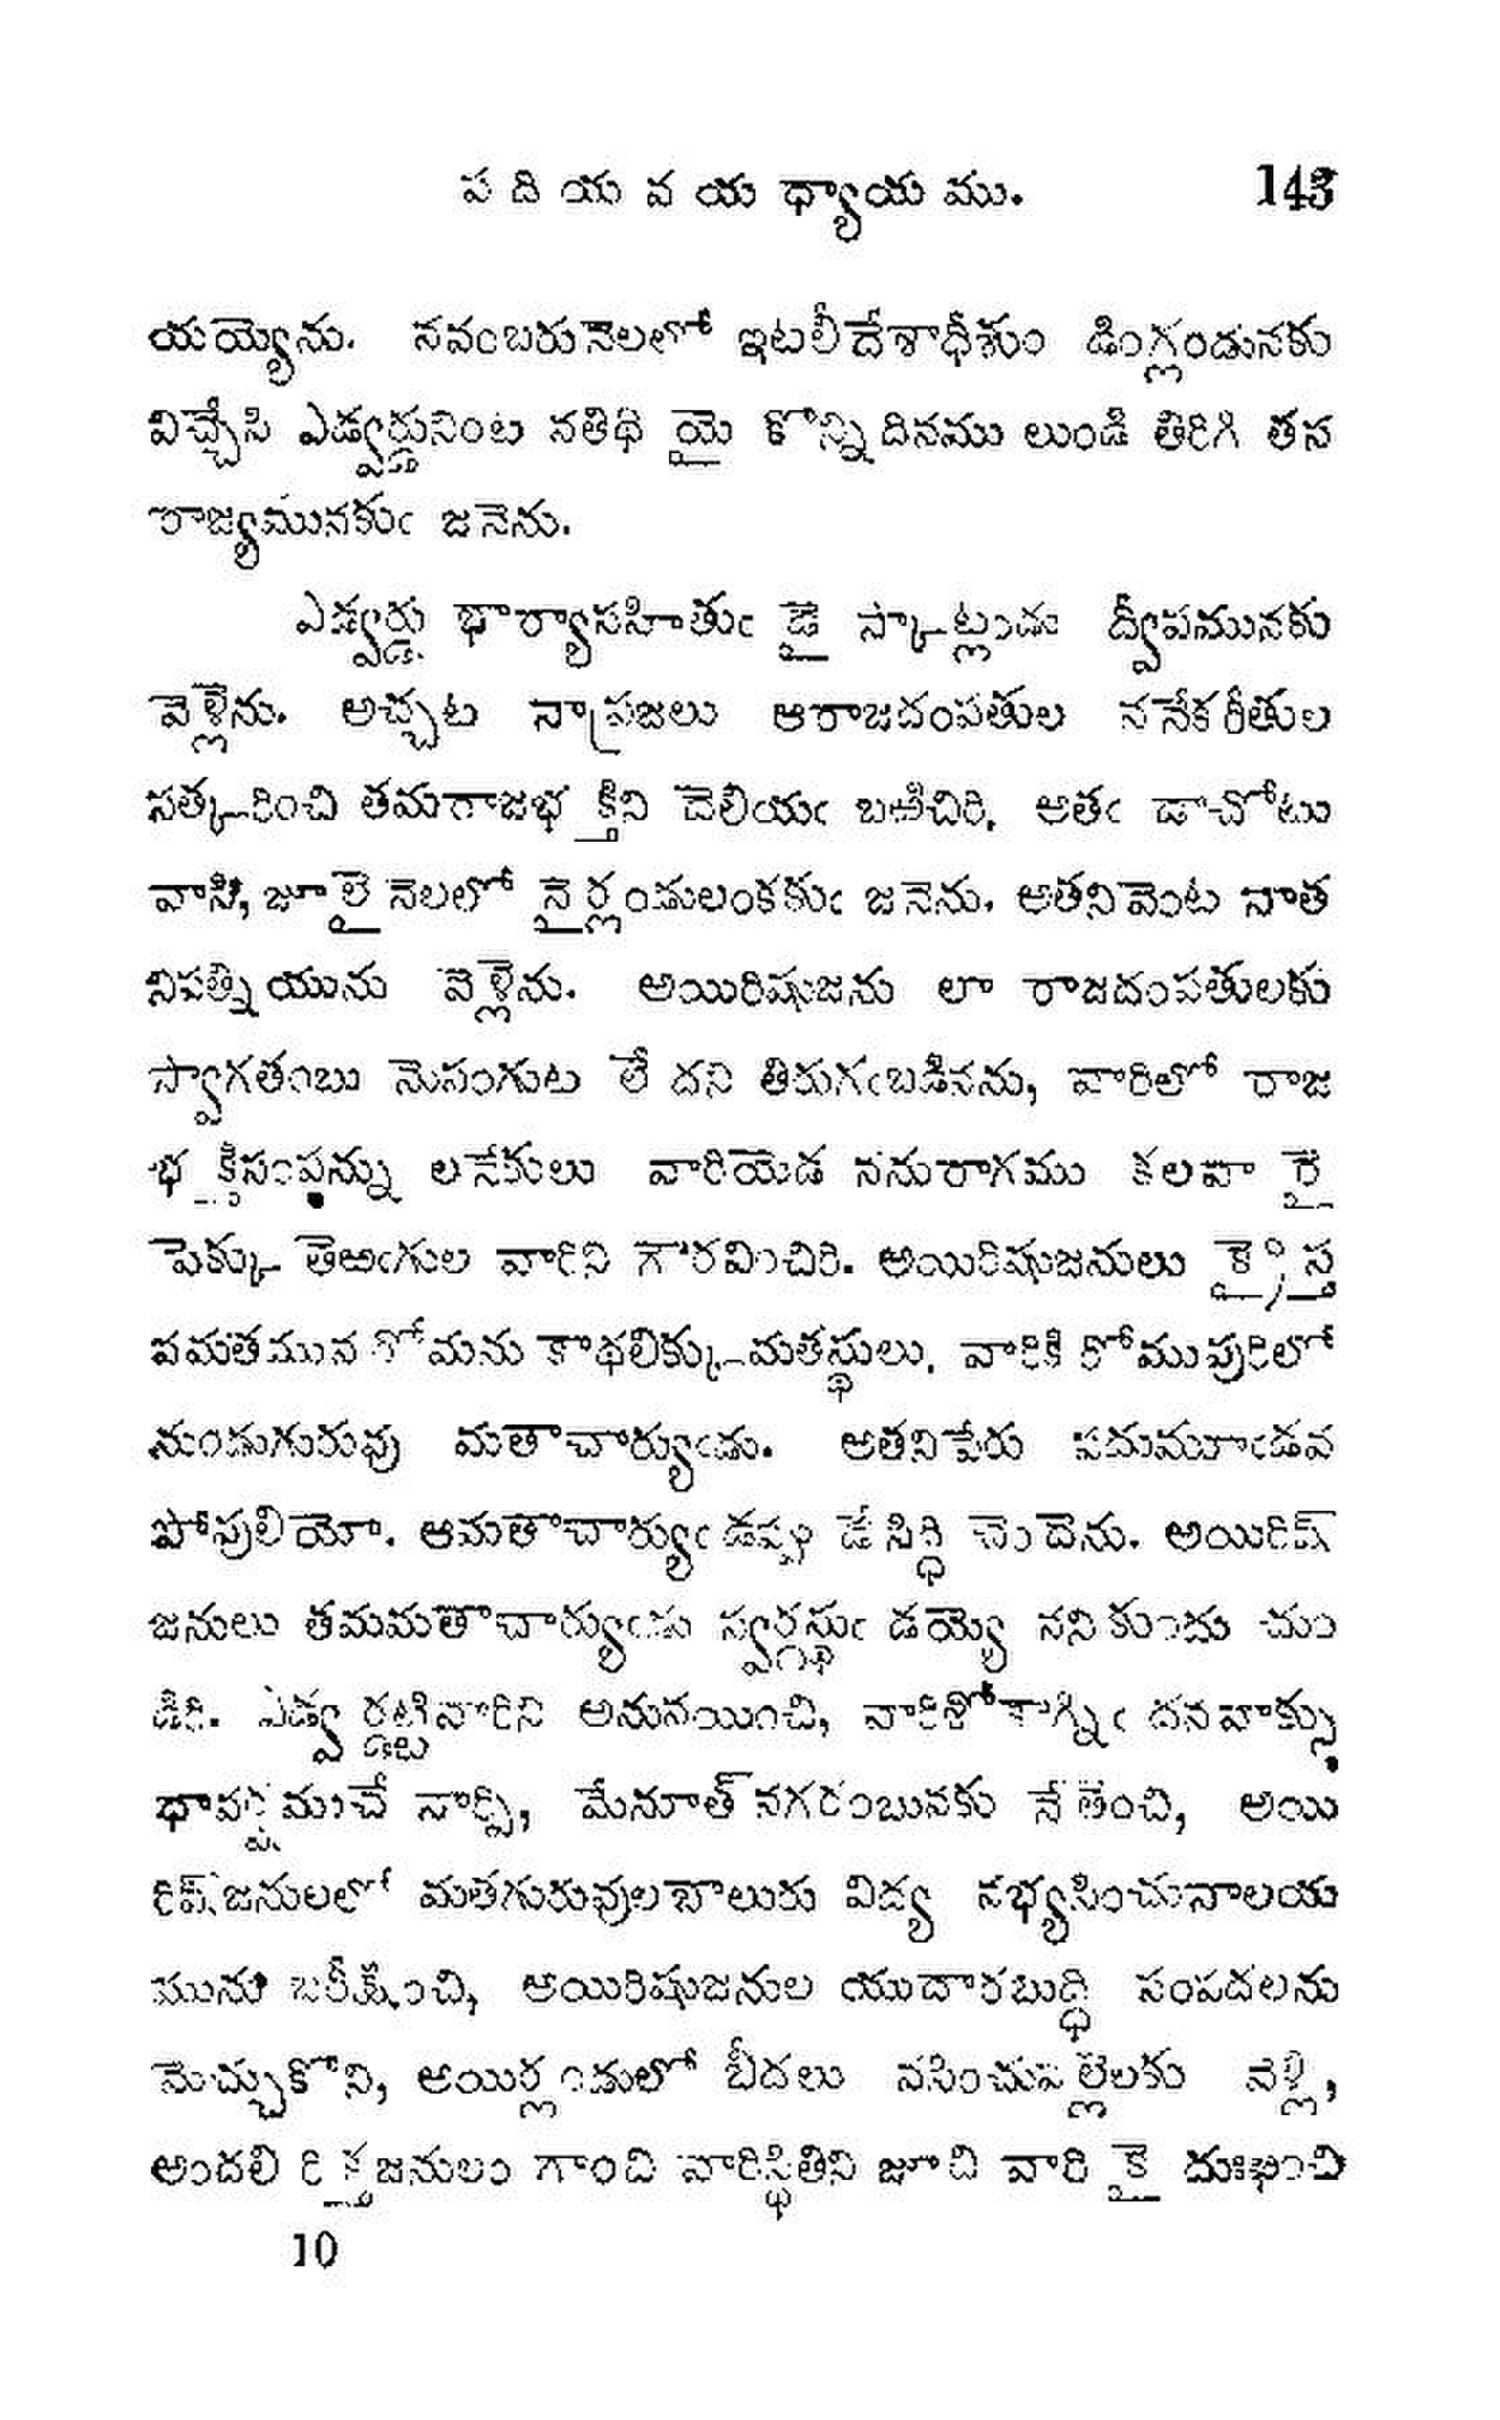యయ్యెను. నవంబరు నెలలో ఇటలీ దేశాధీశుం డింగ్లండునకు విచ్చేసి ఎడ్వర్డునింట నతిథి యై కొన్ని దినము లుండి తిరిగి తస రాజ్యమునకుఁ జనెను.

ఎడ్వడు భార్యాసహితుఁ డై స్కాట్లండు ద్వీపమునకు వెళ్లెను. అచ్చట నాప్రజలు ఆరాజదంపతుల ననేక రీతుల సత్కరించి తమరాజుభ క్తిని దెలియఁ బరిచిరి, అతఁ డాచోటు వాసి జూలై నెలలో నైర్లండు లంకకుఁ జనెను. అతని వెంట నాత ని పత్నియును వెళ్లెను. అయిరిషు జనులా రాజదంపతులకు స్వాగతంబు నొసంగుట లేదని తిరుగఁబడినను, వారిలో రాజ భక్తి సంపన్ను లనేకులు వారియెడ ననురాగము కలవారే పెక్కు తెఱగుల వారిని గౌరవించిరి.. అయిరిషు జనులు క్రైస్త ప మతమున రోమను కాథలిక్కు మతస్థులు, వారికి రోముపురిలో నుండు గురువు మతాచార్యుడు. అతని పేరు పదుమూఁడవ పోపులి యో'. ఆమతాచార్యుఁ డప్పుడే సిద్ధి చెందెను. అయిరిష్ జనులు తమ మతాచార్యుడు స్వర్గస్థుడయ్యె సనికుందు చుం డిరి ఎడ్వర్ణట్టి వారిని అనునయించి, నాకోపాకాగ్నిఁ దన వాక్సు ధావర్షముచే నార్పి, మేనూత్ నగరంబునకు నేతెంచి, అయి రిష్, జనులలో మతగురువులు బాలురు విద్య నభ్యసించు నాలయ మును బరీక్షించి, ఆయిరీషు జనుల యుదార బుద్ధి సంపదలను మెచ్చుకొని, అయిర్లండులో బీదలు నివసించు పల్లెలకు వెళ్లి, అందలి రిక్త జనులం గాంచి పరిస్థితిని జూచి వారి కై దుఃఖంచి